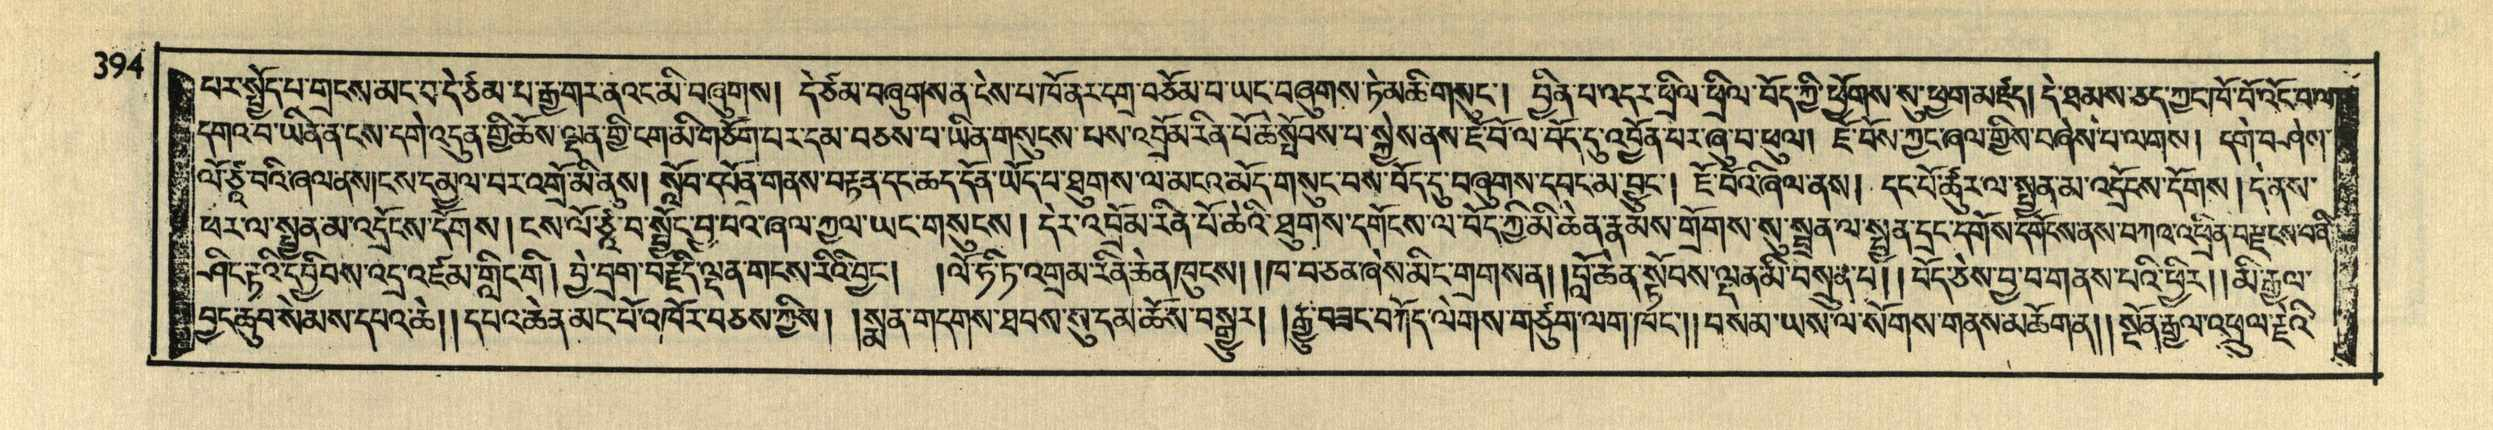པར་སྤྱོད་པ་གྲངས་མང་བ་དེ་ཙམ་པ་རྒྱ་གར་ནའང་མི་བཞུགས། དེ་ཙམ་བཞུགས་ན་ངེས་པ་ཁོ་ནར་དགྲ་བཅོམ་པ་ཡང་བཞུགས་ཏེ་མཆི་གསུང་། བྱིན་པ་འདར་ཕྲིལ་ཕྲིལ་བོད་ཀྱི་ཕྱོགས་སུ་ཕྱག་མཛད། དེ་ཐམས་ཅད་ཀྱང་ཁོ་བོ་འོང་བ་ལ་
དགའ་བ་ཡིན་ན་ངས་དགེ་འདུན་གྱི་ཆོས་ལྡན་གྱི་ངག་མི་གཙོག་པར་དམ་བཅས་པ་ཡིན་གསུངས་པས་འབྲོམ་རིན་པོ་ཆེ་སྤོབས་པ་སྐྱེས་ནས་ཇོ་བོ་ལ་བོད་དུ་འབྱོན་པར་ཞུ་བ་ཕུལ། ཇོ་བོས་ཀྱང་ཞལ་གྱིས་བཞེས་པ་ལགས། དགེ་བཤེས་
ལོ་ཙཱ་བའི་ཞལ་ནས་ངལ་དམྱལ་བར་འགྲོ་མི་ནུས། སློབ་དཔོན་གནས་བརྟན་དང་ཆད་དོན་ཡོད་པ་ཐུགས་ལ་མངའ་མོད་གསུང་བས་བོད་དུ་བཞུགས་དབང་མ་བྱུང་། ཇོ་བོའི་ཞལ་ནས། དང་པོ་ཚུར་ལ་སྤྱན་མ་འདྲོངས་དོགས། དེ་ནས་
ཕར་ལ་སྤྱན་མ་འདྲོངས་དོགས། ངས་ལོ་ཙཱ་བ་སྦྱོང་བྱ་བའི་ཞལ་ཀྱང་ཡང་གསུང་། དེར་འབྲོམ་རིན་པོ་ཆེའི་ཐུགས་དགོངས་ལ་བོད་ཀྱི་མི་ཆེན་རྣམས་གྲོགས་སུ་སྦྲན་ལ་སྤྱན་དྲང་དགོས་དགོངས་ནས་བཀའ་འཕྲིན་བརྫངས་བཞི་
ཤིང་རྟའི་དབྱིབས་འདྲ་འཛམ་གླིང་གི། བྱེ་བྲག་བརྗིད་ལྡན་གངས་རིའི་བྱང་། །ལོ་ཧ་ཏི་འགྲམ་རིན་ཆེན་ཁུངས། །ཁ་བ་ཅན་ཞེས་མིང་གྲགས་ན། །བློ་ཆེན་སྟོབས་ལྡན་མི་བསྲུ་ན་པ། །བོད་ཅེས་བྱ་བ་གནས་པའི་ཕྱིར། །མི་རྒྱལ་
བྱང་ཆུབ་སེམས་དཔའ་ཆེ། །དཔའ་ཆེན་མང་པོ་འཁོར་བཅས་ཀྱིས། །སྨན་གདགས་ཐབས་སུ་དམ་ཆོས་བསྒྱུར། །རྒྱུ་བཟང་བཀོད་ལེགས་གཙུག་ལག་ཁང་། །བསམ་ཡས་ལ་སོགས་གནས་མཆོག་ན། །སྔོན་རྒྱལ་འཕྲུལ་རྗེའི་